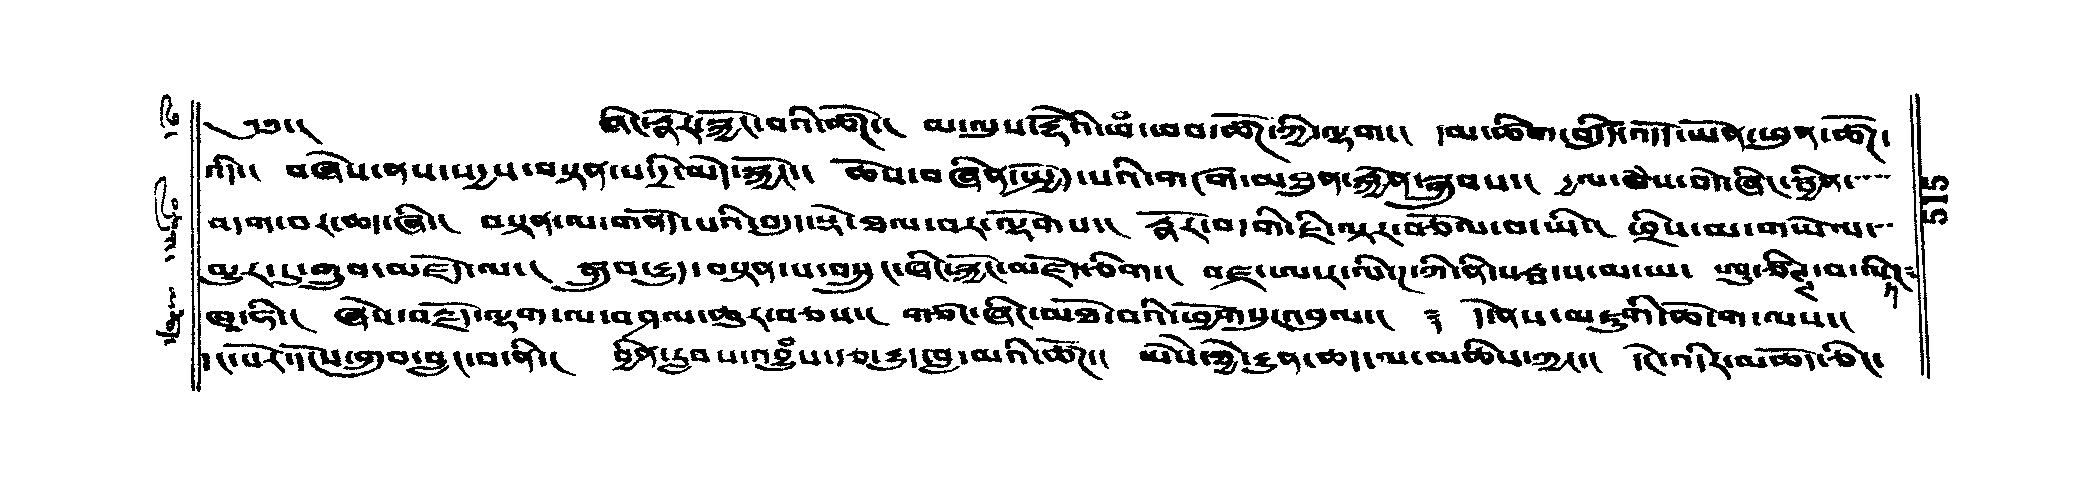ཞིང་རྣལ་འབྱོར་སྐྱོང་བའི་ཚོགས། མ་ལུས་རྡོ་རྗེའི་ཕཾ་ལམ་ཚོགས་ཀྱི་ལྷག་།དམ་ཚིག་བདུད་རྩི་འདོད་ཡོན་ཕུན་ཚོགས་
འདི། ། བཞེས་ནས་སངས་རྒྱས་བསྟན་པ་དྲི་མེད་སྐྱོང་། །ཆོས་བཞིན་སྤྱོད་པའི་གདམས་ངག་མཐུན་རྐྱེན་སྒྲུབས། །རྒྱལ་ཁམས་བདེ་ཞིང་སྦྱིན་
བདག་བར་ཆད་ཞི། །བསྟན་ལ་གནོད་པའི་བདུད་སྡེ་ཐལ་བར་ལྷོགས། །རྣལ་འབྱོར་བདག་གི་ཇི་ལྟར་བཅོལ་བ་ཡི། །ཕྲིན་ལས་མ་གཡེལ་
མྱུར་དུ་གྲུབ་མཛད་ལ། །སྒྲུབ་རྒྱུད་བསྟན་པ་བསྲུང་ཞིང་སྐྱོང་མཛད་ཅིག་།བཛྲ་ཨ་ར་ལི་ཌ་ཀི་ནི་སརྦ་ས་མ་ཡ། ཨུ་ཙིཏྟ་བ་ལིང་ཏ་
ཁཱ་ཧི། ཞེས་བརྗོད་ལྷག་ལ་བཤལ་ཆུར་བཅས། གཙང་ཞིང་མཐོ་བའི་ཕྱོགས་སུ་འབུལ། ། ༈ དེ་ནས་མཇུག་གི་ཆོ་ག་ལས། 
དང་པོར་དངོས་གྲུབ་བླང་བ་ནི། བྱིན་རླབས་འབྱུང་གནས་རྩ་རྒྱུད་བླ་མའི་ཚོགས། །ཡེ་ཤེས་ཐུགས་རྗེ་རྒྱུན་ཆད་མ་མཆིས་ཀྱང་། །དེང་འདིར་མཆོད་ཅིང་